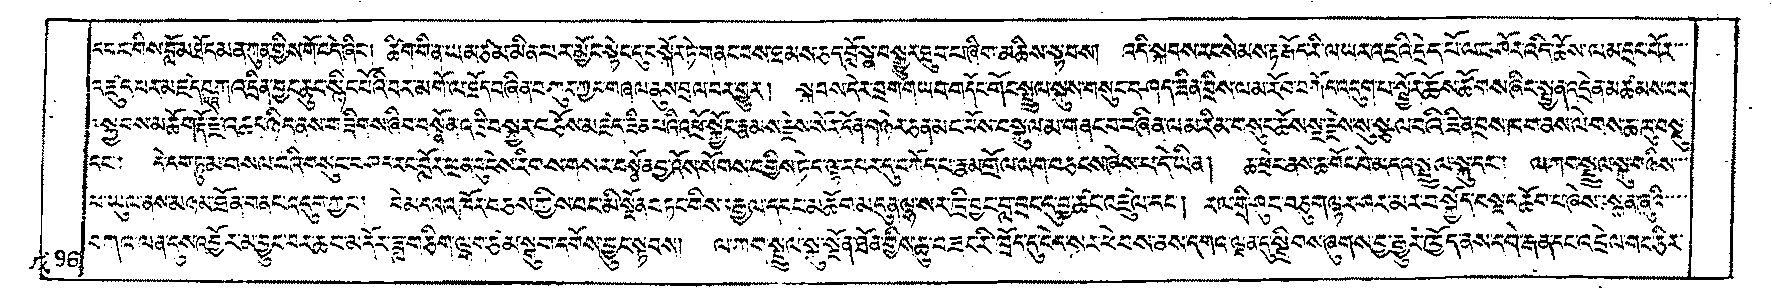དབང་གིས་བློ་མཐོ་དམན་ཀུན་གྱིས་གོ་བདེ་ཞིང་། ཚིག་གི་ན་ཡམ་ཙམ་མིན་པར་མྱོང་སྟེང་དུ་བསྐོར་ཏེ་གནང་བས་ཐམས་ཅད་བློ་སྣ་བསྒྱུར་ཐུབ་པ་ཞིག་མཆིས་སྟབས། འདི་སྐབས་རང་སེམས་རྟ་རྒོད་རི་ལ་ཡར་འདྲའི་དྲེད་པོ་ལང་ཤོར་འདི་ཆོས་ལམ་དྲང་པོར་
འཛུད་པར་མཛད་པའི་བཀའ་དྲིན་བྱང་ཆུབ་སྙིང་པོའི་བར་མགོ་ལ་ཐོད་བཞིན་བཀུར་ཀྱང་གཞལ་ནུས་བྲལ་བར་གྱུར། སྐབས་དེར་བྲག་གཡབ་གདོང་གོང་སྤྲུལ་སྐུས་གསུང་བཤད་ཟིན་བྲིས་ལམ་རོབ་བཀོང་འདུག་པ་སྦྱོར་ཆོས་ཚོགས་ཞིང་སྤྱན་འདྲེན་མཚམས་བར་
༧སྐྱབས་མཆོག་རྡོ་རྗེ་འཆང་ཉིད་ནས་གཟིགས་ཞིབ་བསྣོན་འཁྲི་བསྐྱར་བཅོས་མཛད་ཟིན་པའི་འཕྲོ་སྐྱོང་རྣམས་རྗེས་སོར་དོན་གཉེར་ཅན་མང་པོས་བསྐུལ་མ་གནང་བ་བཞིན་ལམ་རིམ་གསུང་ཆོས་སྔ་རྗེས་སུ་སྩལ་བའི་ཟིན་བྲས་ཁག་ནས་ལེགས་ཆ་ཁུ་བསྡུ་
དང་། དེ་དག་ཏུ་མ་གསལ་བའི་གསུང་བཤད་རང་བློར་ཕྲན་བུ་ངེས་རིགས་གསར་བསྣོན་བྱ་འོས་སོགས་བགྱིས་ཏེ་ད་ལྟ་དཔར་དུ་བཀོད་པ་རྣམ་གྲོལ་ལག་བཅངས་ཞེས་པ་དེ་ཡིན། ཆ་ཕྲེང་ནས་ཆ་གོང་བེ་མདའ་སྤྲུལ་སྐུ་དང་། ལ་ཀག་སྤྲུལ་སྐུ་གཉིས་
ཕ་ཡུལ་ནས་མཉམ་ཐོན་གནང་འདུག་ཀྱང་། བེ་མདའ་འཁོར་བཅས་ཀྱིས་བང་མི་སྔོན་བཏང་གིས་༧རྒྱལ་དབང་མཆོག་མདུན་ལྷ་སར་ཁྲི་བྱང་བླ་བྲང་དུ་བྱ་ཚང་འཛུལ་དང་། རལ་གྲི་ཤུབ་བཅུག་ལྟར་ཤར་མར་བསྐྱོད་བསྡད་ཆོག་པ་ཞེས་༧སྙན་ཞུའི་
བཀའ་ལན་དུས་འབྱོར་མ་བྱུང་བར་ཆབ་མདོར་ཟླ་གཅིག་ལྷག་ཙམ་སྒུག་དགོས་བྱུང་སྟབས། ལ་ཀག་སྤྲུལ་སྐུ་སྔོན་ཐོན་གྱིས་ཆུ་བཟང་རི་ཁྲོད་དུ་ངེད་སར་ཕེབས་ནས་དགའ་ལྡན་དུ་སྒྲིགས་ཞུགས་བྱ་རྒྱུར་ཁྱོད་ནས་དགེ་རྒན་དང་འབྲེལ་གང་ཅིར་